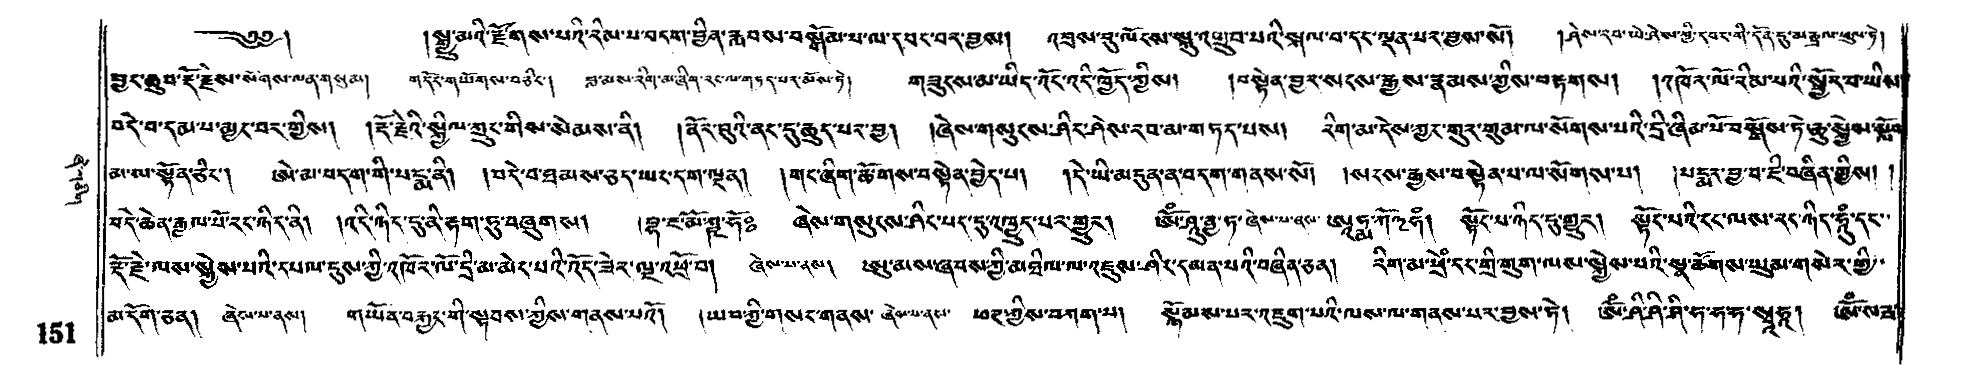༄༅། །སྒྱུ་མའི་རྫོགས་པའི་རིམ་པ་བདག་བྱིན་རླབས་བསྒོམ་པ་ལ་དབང་བར་བྱས། འབྲས་བུ་ལོངས་སྐུ་འགྲུབ་པའི་སྐལ་བ་དང་ལྡན་པར་བྱས་སོ། །ཤེས་རབ་ཡེ་ཤེས་ཀྱི་དབང་གི་དོན་དུ་མཎྜལ་ཕུལ་ཏེ།
བྱང་ཆུབ་རྡོ་རྗེས་སོགས་ལན་གསུམ། གདོང་གཡོགས་བཅིང་། བླ་མས་རིག་མ་ཞིག་རང་ལ་གཏད་པར་མོས་ཏེ།  གཟུངས་མ་ཡིད་འོང་འདི་ཁྱོད་ཀྱིས། །བསྟེན་བྱར་སངས་རྒྱས་རྣམས་ཀྱིས་བརྟགས། །འཁོར་ལོ་རིམ་པའི་སྦྱོར་བ་ཡིས་
བདེ་བ་དམ་པ་མྱང་བར་གྱིས། །རྡོ་རྗེའི་སྐྱིལ་ཀྲུང་གིས་སེམས་ནི། །ནོར་བུའི་ནང་དུ་ཆུད་པར་བྱ། །ཞེས་གསུངས་ཤིང་ཤེས་རབ་མ་གཏད་པས། རིག་མ་དེས་ཀྱང་གུར་གུམ་ལ་སོགས་པའི་དྲི་ཞིམ་པོ་བསྒོས་ཏེ་ཆུ་སྐྱེས་སློབ་
མ་ལ་སྟོན་ཅིང་། ཨེ་མ་བདག་གི་པདམ་ནི། །བདེ་བ་ཐམས་ཅད་ཡང་དག་ལྡན། །གང་ཞིག་ཆོ་གས་བསྟེན་བྱེད་པ། །དེ་ཡི་མདུན་ན་བདག་གནས་སོ། །སངས་རྒྱས་བསྟེན་པ་ལ་སོགས་པ། །པདམར་བྱ་བ་ཇི་བཞིན་གྱིས། །
བདེ་ཆེན་རྒྱལ་པོ་རང་ཉིད་ནི། །འདི་ཉིད་དུ་ནི་རྟག་ཏུ་བཞུགས། །བྷ་ཛ་མོ་ཀྵ་ཧོཿ ཞེས་གསུངས་ཤིང་པད་ཏུ་འཁྱུད་པར་གྱུར། ཨོཾ་ཤཱུ་ནྱ་ཏ་ཞེས་པ་ནས་ཨཱཏྨ་ཀོཉཧཾ། སྟོང་པ་ཉིད་དུ་གྱུར། སྟོང་པའི་ངང་ལས་རང་ཉིད་ཧཱུཾ་དང་
རྡོ་རྗེ་ལས་སྐྱེས་པའི་དཔལ་དུས་ཀྱི་འཁོར་ལོ་དྲི་མ་མེད་པའི་འོད་ཟེར་ལྔ་འཕྲོ་བ། ཞེས་པ་ནས།  ཨུ་མས་ཞབས་ཀྱི་མཐིལ་ལ་འཇུས་ཤིང་དམན་པའི་བཞིན་ཅན། རིག་མ་ཕྲེཾ་དང་གྲི་གུག་ལས་སྐྱེས་པའི་སྣ་ཚོགས་ཡུམ་གསེར་གྱི་
མདོག་ཅན། ཞེས་པ་ནས།  གཡོན་བརྐྱང་གི་སྟབས་ཀྱིས་གནས་པའོ། །ཡབ་ཀྱི་གསང་གནས་ཞེས་པ་ནས་ཕཊ་ཀྱིས་བཀག་པ། སྙོམས་པར་འཇུག་པའི་ལས་ལ་གནས་པར་བྱས་ཏེ། ཨོཾ་ཤི་ཤི་ཤི་ཧ་ཧ་ཧ་སྭཱཧཱ། ཨོཾ་སརྦ་